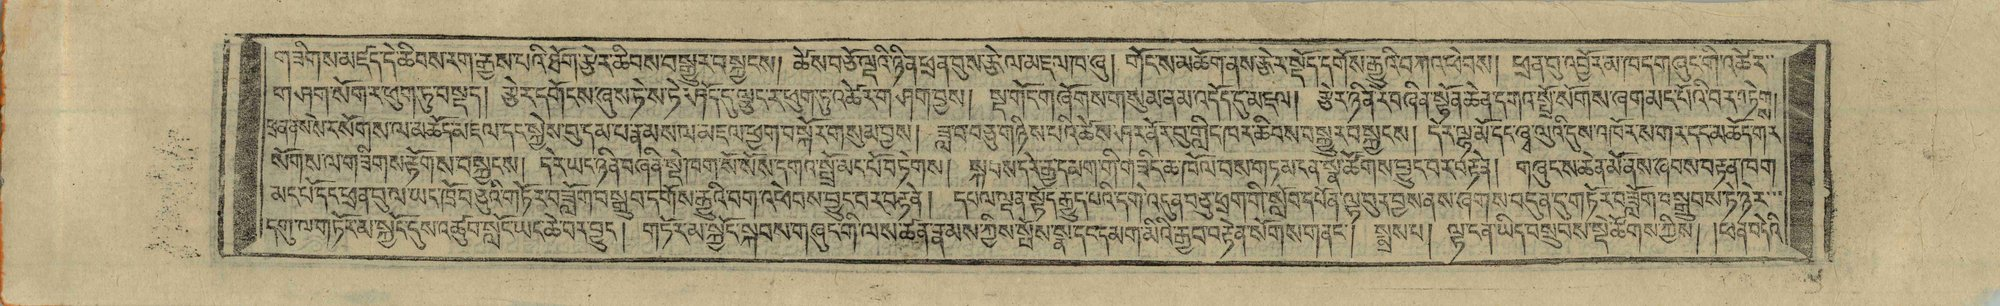གཟིགས་མཛད་དེ་ཆིབས་རག་རྒྱས་པའི་ཐོག་རྩེར་ཆིབས་བསྒྱུར་བསྐྱངས། ཚེས་བཅོ་ལྔའི་ཉིན་ཕྲན་བུས་རྩེ་ལ་མཇལ་ཁ་ཞུ། གོང་ས་མཆོག་ནས་རྩེར་སྡོད་དགོས་རྒྱུའི་བཀའ་ཕེབས། ཕྲན་བུ་འབྱོར་མ་ཁད་གཞུང་གི་འཚེར་
གཤག་སོག་ར་ཕུག་ཏུ་བསྡད། རྩེར་དགོངས་ཞུས་ཏེ་ས་ཏེ་ཤོད་དུ་ལྕང་ར་ཕུག་ཏུ་འཚེར་གཤག་བྱས། སྔ་གོང་གཞོགས་གསུམ་ནམ་འདོད་དུ་མཇལ། རྩེར་ཉིན་ར་བཞིན་སྟོན་ཆེན་དགའ་སྤྲོ་སོགས་ཞག་མང་པོའི་བར་བཏེགས།
ཕྲན་ནས་སེ་ར་སོགས་ལ་མཆོད་མཇལ་དང་སྐྱེས་བུ་དམ་པ་རྣམས་ལ་མཇལ་ཕྱག་བསྐོར་གསུམ་བྱས། ཟླ་བ་བཅུ་གཉིས་པའི་ཚེས་ཤར་ནོར་བུ་གླིང་ཁར་ཆིབས་བསྒྱུར་བསྐྱངས། དེར་ལྷ་མོ་དང་ཞྭ་ལུའི་དུས་འཁོར་ས་གར་དང་མཆོད་གར་
སོགས་ལ་གཟིགས་རྟོགས་བསྐྱངས། དེར་ཡང་ཉིན་བཞིན་སྡེ་ཁག་སོ་སོས་དགའ་སྤྲོ་མང་པོ་བཏེགས། སྐབས་དེར་རྒྱ་དམག་གི་གཟིང་ཆ་ཁོལ་བས་གཏམ་ངན་སྣ་ཚོགས་བྱུང་བར་བརྟེན། གཞུང་ས་ཆེན་མོ་ནས་ཞབས་བརྟན་ཁག་
མང་པོ་དང་ཕྲན་བུ་ལ་ཡང་ཁྲོ་བཅུའི་གཏོར་བཟློག་བསྒྲུབ་དགོས་རྒྱུའི་བག་འཕེབས་བྱུང་བར་བརྟེན། དཔལ་ལྡན་སྟོད་རྒྱུད་པའི་དགེ་འདུན་བཅུ་ཕྲག་གི་སློབ་དཔོན་ལྟ་བུར་བྱས་ནས་ཞགས་བདུན་དུ་གཏོར་བཟློག་བསྒྲུབས་ཏེ་ཉེར་
དགུ་ལ་གཏོར་མ་སྐྱོང་དུས་འཚུབ་སློང་ཡང་ཆེ་བར་བྱུང་། གཏོར་མ་སྐྱོང་སྐབས་གཞུང་གི་ལས་ཚན་རྣམས་ཀྱིས་སྤོས་སྣ་དང་དམག་མིའི་རྒྱབ་བརྟེན་སོགས་གནང་། སྨྲས་པ། ལྟ་ངན་ཡིད་བསྲུབས་སྡེ་ཚོགས་ཀྱིས། །ཕན་བདེའི་